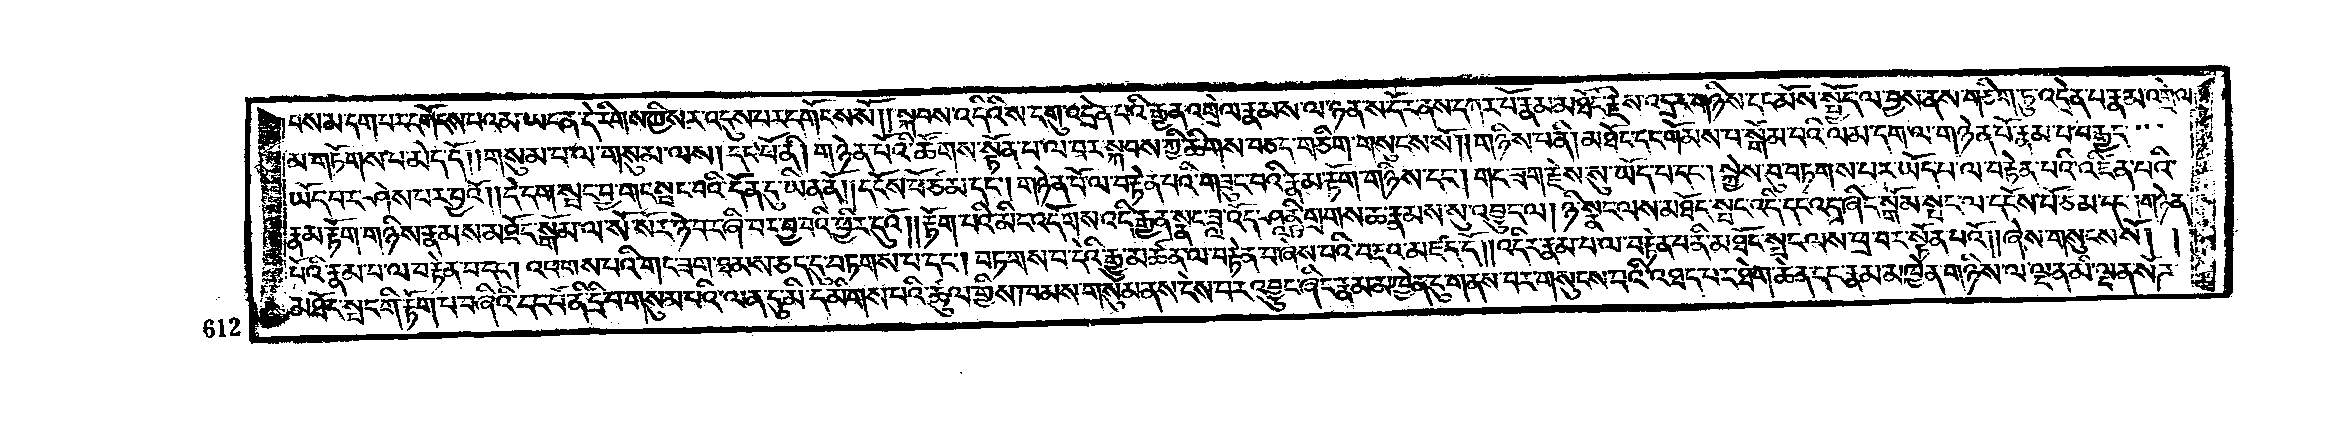བས་མ་དག་པར་དགོངས་པའམ་ཡང་ན་དེ་རིགས་ཀྱི་སར་འདུས་པར་དགོངས་སོ། །སྐབས་འདིའི་ས་དགུ་འདྲེན་པའི་རྒྱན་འགྲེལ་རྣམས་ལ་ཉན་ས་དོར་ནས་དཀར་པོ་རྣམ་མཐོང་རྗེས་འབྲང་གཉིས་དང་མོས་སྤྱོད་ལ་བྱས་ནས་གཅིག་ཏུ་འདྲེན་པ་རྣམ་འགྲེལ་
མ་གཏོགས་པ་མེད་དོ། །གསུམ་པ་ལ་གསུམ་ལས། དང་པོ་ནི། གཉེན་པོའི་ཚོགས་སྟོན་པ་ལ་བར་སྐབས་ཀྱི་ཚིག་བཅད་གཅིག་གསུངས་སོ། །གཉིས་པ་ནི། མཐོང་དང་གོམས་པ་སྒོམ་པའི་ལམ་དག་ལ་གཉེན་པོ་རྣམ་པ་བརྒྱད་
ཡོད་པར་ཤེས་པར་བྱའོ། །དེ་དག་སྤང་བྱ་གང་སྤང་བའི་དོན་དུ་ཡིན་ནོ། །དངོས་པོ་ཙམ་དང་། གཉེན་པོ་ལ་བརྟེན་པའི་གཟུང་བའི་རྣམ་རྟོག་གཉིས་དང་། གང་ཟག་རྗེས་སུ་ཡོད་པ་དང་། སྐྱེས་བུ་བཏགས་པར་ཡོད་པ་ལ་བརྟེན་པའི་འཛིན་པའི་
རྣམ་རྟོག་གཉིས་རྣམས་མཐོང་སྒོམ་ལ་སོ་སོར་ཉེ་བར་བྱ་བའི་ཕྱིར་དུའོ། །རྟོག་པའི་མིང་འདོགས་འདི་རྒྱན་སྣང་ཟླ་འོད་ཤཱནྟི་གྲགས་ཆ་རྣམས་སུ་འབྱུང་ལ། ཉི་སྣང་ལས་མཐོང་སྤང་འདི་དང་འདྲ་ཞིང་སྒོམ་སྤང་ལ་དངོས་པོ་ཙམ་དང་། གཉེན་
པོའི་རྣམ་པ་ལ་བརྟེན་པ་དང་། འཕགས་པའི་གང་ཟག་ཐམས་ཅད་དུ་བཏགས་པ་དང་། བཏགས་པ་དེའི་རྒྱུ་མཚན་ལ་བརྟེན་པ་ཞེས་པའི་བརྡའ་མཛད་དོ། །འདིར་རྣམ་པ་ལ་བརྟེན་པ་ནི་མཐོང་སྤང་ལས་ཕྲ་བར་སྟོན་པའོ། །ཞེས་གསུངས་སོ། །
མཐོང་སྤང་གི་རྟོག་པ་བཞིའི་དང་པོ་ནི་དྲི་བ་གསུམ་པའི་ལན་དུ་མི་དམིགས་པའི་ཚུལ་གྱིས་ཁམས་གསུམ་ནས་ངེས་པར་འབྱུང་ཞིང་རྣམ་མཁྱེན་དུ་གནས་པར་གསུངས་པའི་འཐད་པར་ཐེག་ཆེན་དང་རྣམ་མཁྱེན་གཉིས་ལ་ལྡན་མི་ལྡན་སོགས་